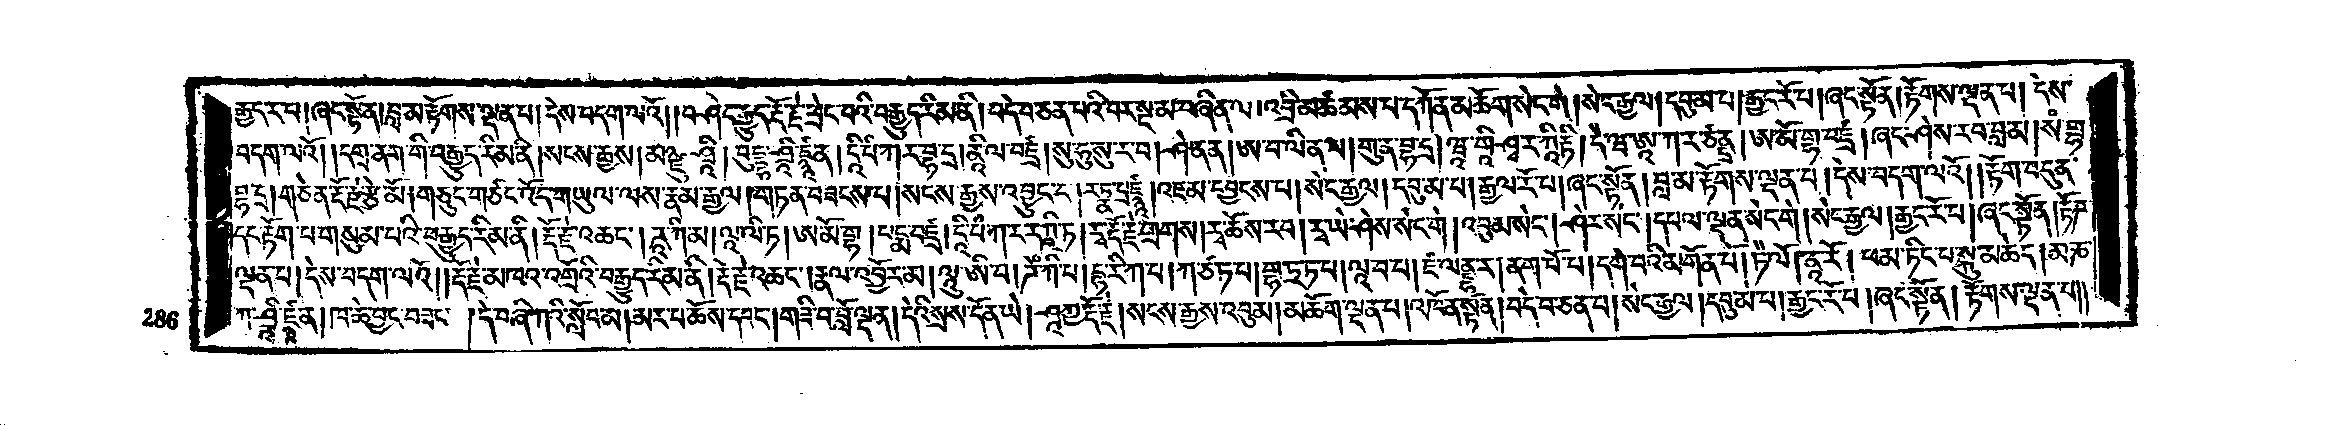རྒྱད་ར་པ། ཞང་སྟོན། བླ་མ་རྟོགས་ལྡན་པ། དེས་བདག་ལའོ། །བཤེད་རྒྱུད་རྡོ་རྗེ་ཕྲེང་བའི་བརྒྱུད་རིམ་ནི། བདེ་བ་ཅན་པའི་བར་སྔ་མ་བཞིན་ལ། འབྲི་མཚམས་པ་དཀོན་མཆོག་སེང་གེ། སེང་རྒྱལ། དབུ་མ་པ། རྒྱང་རོ་པ། ཞང་སྟོན། རྟོགས་ལྡན་པ། དེས་
བདག་ལའོ། །དགྲ་ནག་གི་བརྒྱུད་རིམ་ནི། སངས་རྒྱས། མཉྫུ་ཤྲཱི། བུདྡྷ་ཤྲཱི་ཛྙཱ་ན། དཱི་པི་ཀར་བྷ་དྲ། ནཱི་ལ་བྫྲ། སུ་ཧུ་སུ་ར་བ། ཤེ་ན་ན། ཨ་བ་ལི་ན་པ། གུ་ན་བྷ་དྲ། ཝཱ་གཱི་ཤྭ་ར་ཀཱིརྟི། དཻ་ཝ་ཨཱ་ཀ་ར་ཙནྡྲ། ཨ་མོ་གྷ་བྫྲ། ཞང་ཤེས་རབ་བླ་མ། སཾ་གྷ་
བྷ་དྲ། གཅེན་རྡོ་རྗེ་རྩེ་མོ། གཅུང་གཙང་འོད་གཡུལ་ལས་རྣམ་རྒྱལ། གཏན་བཟངས་པ། སངས་རྒྱས་འབྱུང་ང་། རྟྣ་པྲཛྙཱ། འཇམ་དབྱངས་པ། སེང་རྒྱལ། དབུ་མ་པ། རྒྱལ་རོ་པ། ཞང་སྟོན། བླ་མ་རྟོགས་ལྡན་པ། དེས་བདག་ལའོ། །རྟོག་བདུན་
དང་རྟོག་པ་གསུམ་པའི་བརྒྱུད་རིམ་ནི། རྡོ་རྗེ་འཆང་། ཌཱ་ཀི་མ། ལཱ་ལི་ཏ། ཨ་མོ་གྷ། པདམ་བྫྲ། དཱི་པཾ་ཀ་ར་རཀྵི་ཏ། རྭ་རྡོ་རྗེ་གྲགས། རྭ་ཆོས་རབ། རྭ་ཡེ་ཤེས་སེང་གེ། འབུམ་སེང་། ཤེར་སེང་། དཔལ་ལྡན་སེང་གེ། སེང་རྒྱལ། རྒྱང་རོ་པ། ཞང་སྟོན། རྟོགས་
ལྡན་པ། དེས་བདག་ལའོ། །རྡོ་རྗེ་མཁའ་འགྲོའི་བརྒྱུད་རིམ་ནི། རྡོ་རྗེ་འཆང་། རྣལ་འབྱོར་མ། ལཱུ་ཨི་བ། ཌེཾ་ཀི་པ། དྷ་རི་ཀ་པ། ཀ་ཙ་ཏ་པ། གྷ་ཏྲ་ཏ་པ། ལཱ་བ་པ། ཛ་ལནྡྷ་ར། ནག་པོ་པ། དགེ་བའི་མགོན་པོ། ཏཻ་ལོ། ནཱ་རོ། ཕམ་ཏིང་པ་སྐུ་མཆེད། མཎ་
ཀ་ཤྲཱི་ཛྙཱ་ན། ཁ་ཆེ་བྱང་བཟང་། དེ་བཞི་ཀའི་སློབ་མ། མར་པ་ཆོས་དབང་། གཟི་བ་བློ་ལྡན། དེའི་སྲས་དོན་ཡེ། ཤཱཀྱ་རྡོ་རྗེ། སངས་རྒྱས་འབུམ། མཆོག་ལྡན་པ། འཁོན་སྟོན། བདེ་བ་ཅན་པ། སེང་རྒྱལ། དབུ་མ་པ། རྒྱང་རོ་པ། ཞང་སྟོན། རྟོགས་ལྡན་པ།།